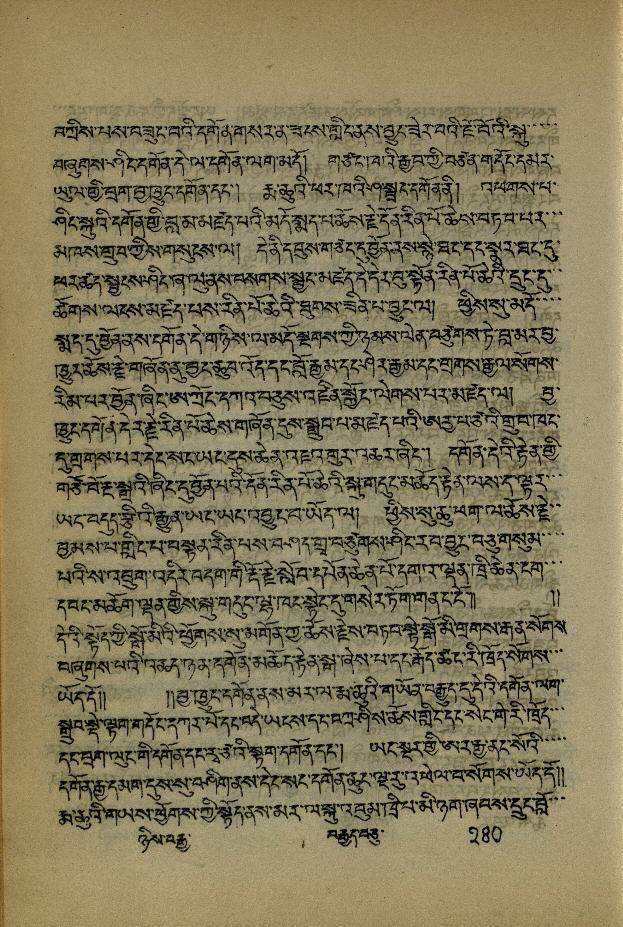བཀྲིས་པས་བཟུང་བའི་དགོན་གསར་ན་ཟངས་གླིང་ནས་བྱུང་ཟེར་བའི་ཇོ་བོའི་སྐུ་
བཞུགས་ཤིང་དགོན་དེ་ལ་དགོན་ལག་མདོ། གཙང་ཁའི་རྒྱབ་ཀྱི་བཙན་གདོང་དམར་
ཡུལ་གྱི་བྲག་བྱ་ཁྱུང་དགོན་དང་། རྨ་ཆུའི་ཕར་ཁའི་ཤ་སྦྲང་དགོན་ནི། འཕགས་པ་
ཤིང་སྐུའི་དགོན་གྱི་བླ་མ་མཛད་པའི་མདོ་སྨད་པ་ཆོས་རྗེ་དོན་རིན་པོ་ཆེས་བཏབ་པར་
མཁས་གྲུབ་ཀྱིས་གསུངས་ལ། དེ་ནི་དབུས་གཙང་དུ་བྱོན་ནས་སྙེ་ཐང་དང་སྣར་ཐང་དུ་
ཕར་ཚད་སྦྱངས་ཤིང་ཞ་ལུ་ནས་བསགས་སྦྱང་མཛད་དེ་དེར་བུ་སྟོན་རིན་པོ་ཆེའི་དྲུང་དུ་
ཚོགས་ལངས་མཛད་པས་རིན་པོ་ཆེའི་ཐུགས་ཟིན་པ་བྱུང་ལ། ཕྱིས་སུ་མདོ་
སྨད་དུ་བྱོན་ནས་དགོན་དེ་གཉིས་ལ་མདོ་སྔགས་ཀྱི་ཉམས་ལེན་བཙུགས་ཏེ་བླ་མར་བྱ་
ཁྱུར་ཆོས་རྗེ་གཞོན་ནུ་བྱང་ཆུབ་འོད་དང་བློ་རྒྱམ་དང་ཤེར་རྒྱམ་དང་གྲགས་རྒྱལ་སོགས་
རིམ་པར་བྱོན་ཞིང་ཨ་ཀྲོང་དཀའ་བཅུས་འཛིན་སྐྱོང་ལེགས་པར་མཛད་ལ། བྱ་
ཁྱུང་དགོན་དེར་རྗེ་རིན་པོ་ཆེས་གཞོན་དུས་སྒྲུབ་པ་མཛད་པའི་ཨརྱ་པ་ཙའི་གྲུབ་ཁང་
དུ་གྲགས་པར་དེང་སང་ཡང་དུས་ཆེན་འཇའ་གུར་འཆར་ཞིང་། དགོན་དེའི་རྟེན་གྱི་
གཙོ་བོ་རྔ་སྒྲའི་ཞིང་དུ་བྱོན་པའི་དོན་རིན་པོ་ཆེའི་སྐུ་གདུང་མཆོད་རྟེན་ལས་ད་ལྟར་
ཡང་བདུད་རྩིའི་རྒྱུན་ཡང་ཡང་འབྱུང་བ་ཡོད་ལ། ཕྱིས་སུ་ཆུ་ཕྱག་ལ་ཆོས་རྗེ་
བྱམས་པ་གླིང་པ་བསྟན་རིན་པས་བཤད་གྲྭ་བཙུགས་ཤིང་རབ་བྱུང་བཅུ་གསུམ་
པའི་ས་འབྲུག་འདིར་བདག་གི་རྡོ་རྗེ་སློབ་དཔོན་ཆེན་པོ་དགའ་ལྡན་ཁྲི་ཆེན་ངག་
དབང་མཆོག་ལྡན་གྱིས་སྐུ་གདུང་ལྷ་ཁང་སྟེང་དུ་གསེར་ཏོག་གནང་ངོ།། །།
དེའི་སྟོད་ཀྱི་སྒོ་མིའི་ཕྱོགས་སུ་མགོན་ཀྱ་ཆོས་རྗེས་བཏབ་སྟེ་སྒོ་མི་གྲགས་རྒན་སོགས་
བཞུགས་པའི་འཆད་ཉན་དགོན་མཆོད་རྟེན་སྒ་ཞེས་པ་དང་རྒོད་ཚང་རི་ཁྲོད་སོགས་
ཡོད་དོ།། །།བྱ་ཁྱུང་དགོན་ནས་མར་ལ་རྨ་ཆུའི་གཡོན་བརྒྱུད་དུ་དེའི་དགོན་ལག་
སྒྲུབ་སྡེ་ལྟག་གདོང་དཀར་པོ་དང་བདེ་ཡངས་དང་བཀྲ་ཤིས་ཆོས་གླིང་དང་སེང་གེ་རི་ཁྲོད་
དང་བྲག་ལུང་གི་དགོན་དང་རྭ་ཙའི་སྟག་དགོན་དང་། ཡང་སྔར་གྱི་ཨར་རྒྱ་ནང་སོའི་
དགོན་རྒྱ་དམག་དུས་སུ་བཤིག་ནས་དེང་སང་དགོན་ཆུང་ལྔ་རུ་འཕེལ་བ་སོགས་ཡོད་དོ།།
རྨ་ཆུའི་གཡས་ཕྱོགས་ཀྱི་སྟོད་ནས་མར་ལ་སྐུ་འབུམ་ཁྲི་པ་མི་ཉག་ཞབས་དྲུང་བློ་